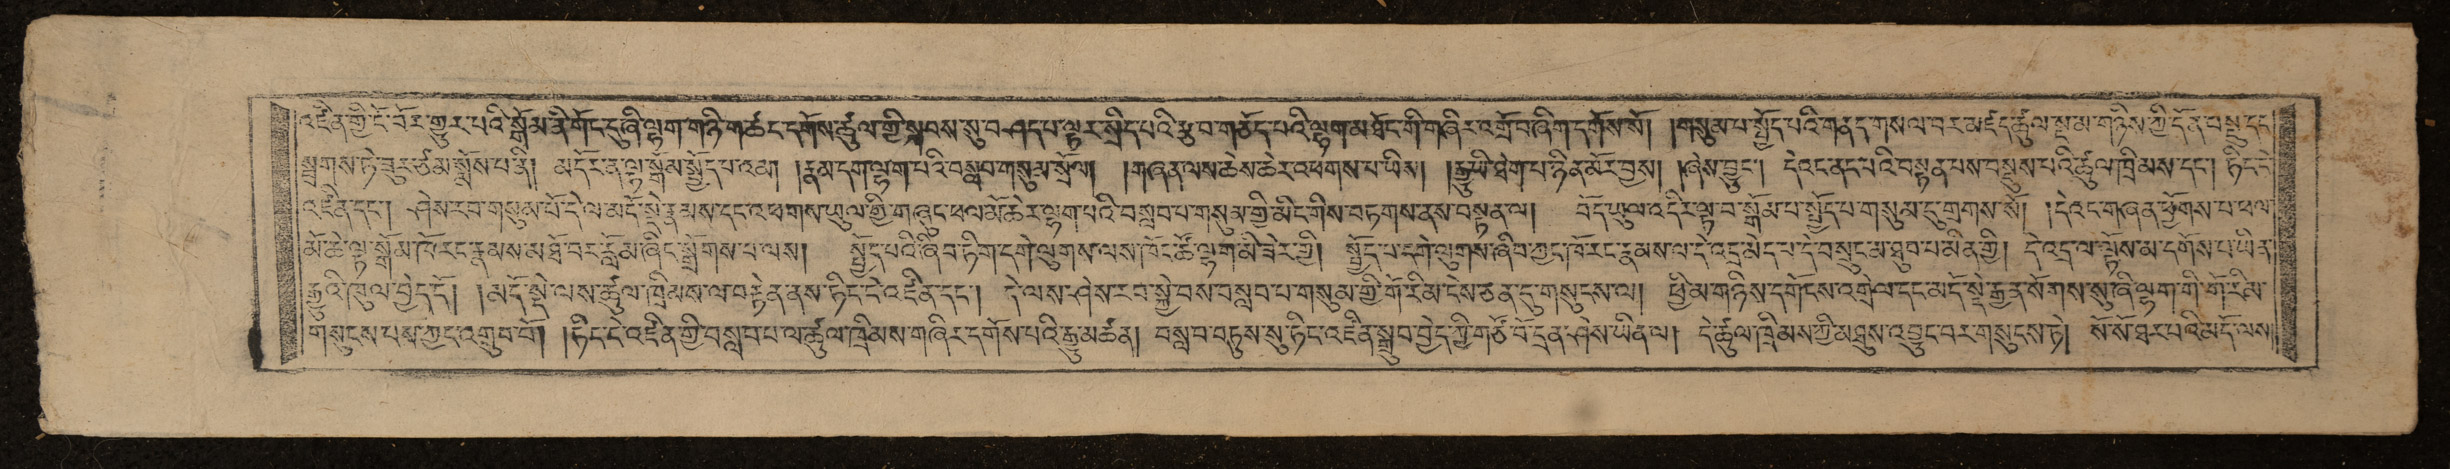འཛིན་གྱི་ངོ་བོར་གྱུར་པའི་སྒོམ་ནི་གོང་དུ་ཞི་ལྷག་གཉི་ག་ཚང་དགོས་ཚུལ་གྱི་སྐབས་སུ་བཤད་པ་ལྟར་སྲིད་པའི་རྩ་བ་གཅོད་པའི་ལྷག་མཐོང་གི་གཞིར་འགྲོ་བ་ཞིག་དགོས་སོ། །གསུམ་པ་སྤྱོད་བའི་གནད་གསལ་བར་མཛོད་ཚུལ་སྔ་མ་གཉིས་ཀྱི་དོན་བསྡུ་དང་།
སྒྲགས་ཏེ་ཟུར་ཙམ་སྨོས་པ་ནི། མདོར་ན་ལྟ་སྒོམ་སྤྱོད་པའམ། །རྣམ་དག་ལྷག་པའི་བསླབ་གསུམ་སྲོལ། །གཞན་ལས་ཆེས་ཆེར་འཕགས་པ་ཡིས། །རྒྱུ་ཡི་ཐེག་པ་ཉིན་མོར་བྱས། །ཞེས་བྱུང་། དེའང་ནང་བའི་བསྟན་པས་བསྡུས་བའི་ཚུལ་ཁྲིམས་དང་། ཏིང་ངེ་
འཛིན་དང་། ཤེས་རབ་གསུམ་པོ་དེ་ལ་མདོ་སྡེ་རྣམས་དང་འཕགས་ཡུལ་གྱི་གཞུང་ཕལ་མོ་ཆེར་ལྷག་པའི་བསླབ་པ་གསུམ་གྱི་མིང་གིས་བཏགས་ནས་བསྟན་ལ། བོད་ཡུལ་འདིར་ལྟ་བ་སྒོམ་བ་སྤྱོད་པ་གསུམ་དུ་གྲགས་སོ། །དེའང་གཞན་ཕྱོགས་བ་ཕལ་
མོ་ཆེ་ལྟ་སྒོམ་ཁོ་རང་རྣམས་མཐོ་བར་རློམ་ཞིང་སྒྲོགས་པ་ལས། སྤྱོད་པའི་ཞིབ་ཏིག་དགེ་ལུགས་ལས་ཁོང་ཚོ་ལྷག་མི་ཟེར་གྱི། སྤྱོད་པ་དགེ་ལུགས་ཞིབ་ཀྱང་ཁོ་རང་རྣམས་ལ་དེ་འདྲ་མེད་བ་དེ་བསྲུང་མཐུབ་པ་མིན་གྱི། དེ་འདྲ་ལ་ལྟོས་མ་དགོས་པ་ཡིན་
རྒྱུའི་ཁུལ་བྱེད་དོ། །མདོ་སྡེ་ལས་ཚུལ་ཁྲིམས་ལ་བརྟེན་ནས་ཏིང་ངེ་འཛིན་དང་། དེ་ལས་ཤེས་རབ་སྐྱེ་བས་བསླབ་པ་གསུམ་གྱི་གོ་རིམ་ངེས་ཅན་དུ་གསུངས་ལ། ཕྱི་མ་གཉིས་དགོངས་འགྲེལ་དང་མདོ་སྡེ་རྒྱན་སོགས་སུ་ཞི་ལྷག་གི་གོ་རིམ་
གསུངས་པས་ཀྱང་འགྲུབ་བོ། །ཏིང་ངེ་འཛིན་གྱི་བསླབ་པ་ལ་ཚུལ་ཁྲིམས་གཞིར་དགོས་པའི་རྒྱུ་མཚན། བསླབ་བཏུས་སུ་ཏིང་འཛིན་སྒྲུབ་བྱེད་ཀྱི་གཙོ་བོ་དྲན་ཤེས་ཡིན་ལ། དེ་ཚུལ་ཁྲིམས་ཀྱི་མཐུས་འབྱུང་བར་གསུངས་ཏེ། སོ་སོ་ཐར་བའི་མདོ་ལས་